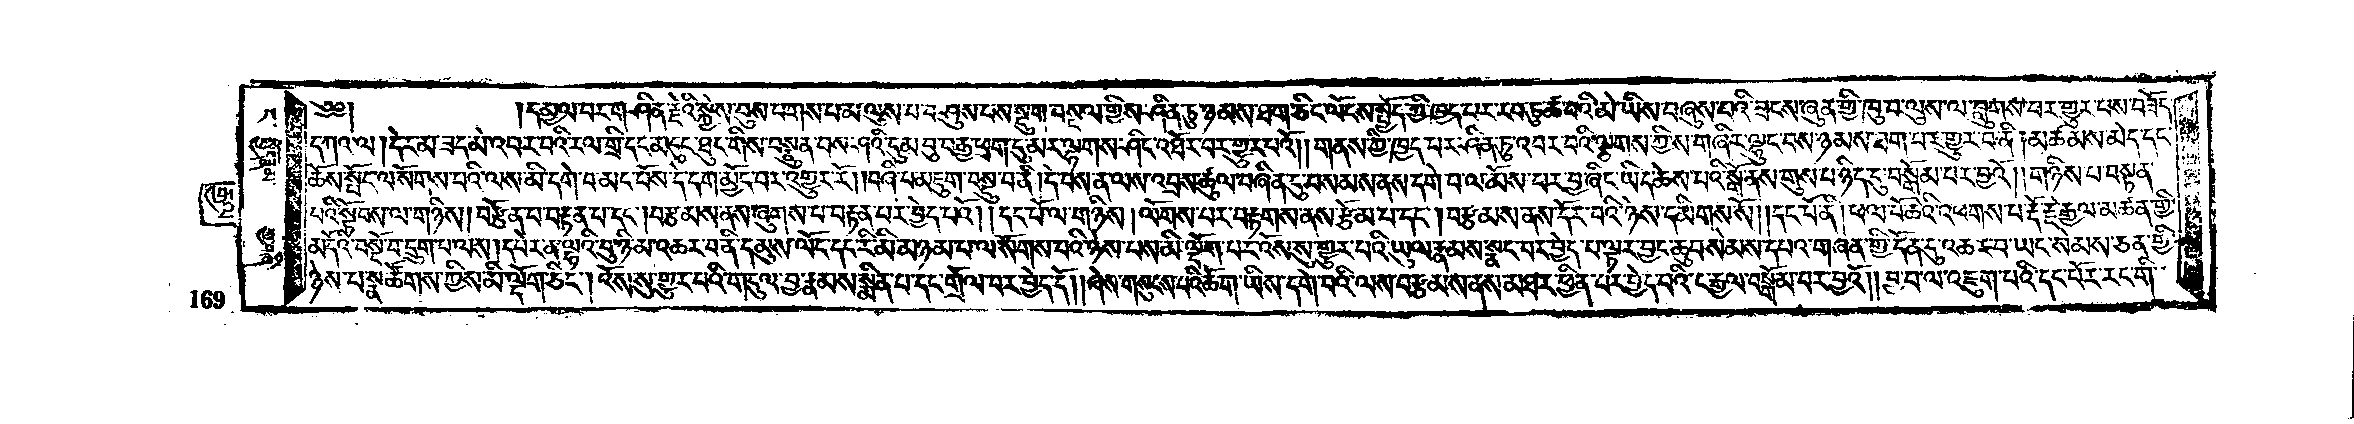༄༅། །དམྱལ་བར་གཤིན་རྗེའི་སྐྱེས་བུས་པགས་པ་མ་ལུས་པ་བཤུས་པས་སྡུག་བསྔལ་གྱིས་ཤིན་ཏུ་ཉམས་ཐག་ཅིང་ལོངས་སྤྱོད་ཀྱི་ཁྱད་པར་རབ་ཏུ་ཚ་བའི་མེ་ཡིས་བཞུས་པའི་ཟངས་ཞུན་གྱི་ཁུ་བ་ལུས་ལ་བླུགས་པར་གྱུར་པས་བཟོད་
དཀའ་ལ། དེར་མ་ཟད་མེ་འབར་བའི་རལ་གྲི་དང་མདུང་ཐུང་གིས་བསྣུན་པས་ཤའི་དུམ་བུ་བ་རྒྱ་ཕྲག་དུ་མར་ལྷགས་ཤིང་འཐོར་བར་གྱུར་པའོ། །གནས་ཀྱི་ཁྱད་པར་ཤིན་ཏུ་འབར་བའི་ལྕགས་ཀྱི་ས་གཞིར་ལྷུང་བས་ཉམས་ཐག་པར་གྱུར་པ་ནི། མཚམས་མེད་དང་།
ཆོས་སྤོང་ལ་སོགས་པའི་ལས་མི་དགེ་བ་མང་པོས་དེ་དག་མྱོང་བར་འགྱུར་རོ། །བཞི་པ་མཇུག་བསྡུ་བ་ནི། དེ་བས་ན་ལས་འབྲས་ཚུལ་བཞིན་དུ་བསམས་ནས་དགེ་བ་ལ་མོས་པར་བྱ་ཞིང་ཡིད་ཆེས་པའི་སྒོ་ནས་གུས་པ་ཉིད་དུ་བསྒོམ་པར་བྱའོ། །གཉིས་པ་བསྟན་
པའི་སྟོབས་ལ་གཉིས། བརྩོན་པ་བརྟན་པ་དང་། བརྩམས་ནས་ཞུགས་པ་བརྟན་པར་བྱེད་པའོ། །དང་པོ་ལ་གཉིས། ལོགས་པར་བརྟགས་ནས་རྩོམ་པ་དང་། བརྩམས་ནས་དོར་བའི་ཉེས་དམིགས་སོ། །ཕལ་པོ་ཆེའི་འཕགས་པ་རྡོ་རྗེ་རྒྱལ་མཚན་གྱི་
མདོའི་བསྔོ་བ་དྲུག་པ་ལས། དཔེར་ན་ལྷའི་བུ་ཉི་མ་འཆར་བ་ནི་དམུས་ལོང་དང་རི་མི་མཉམ་པ་ལ་སོགས་པ་ལ་སོགས་པའི་ཉེས་པས་མི་ལྡོག་པར་འོས་སུ་གྱུར་པའི་ཡུལ་རྣམས་སྣང་བར་བྱེད་པ་ལྟར་བྱང་ཆུབ་སེམས་དཔའ་གཞན་གྱི་དོན་དུ་འཆར་བ་ཡང་སེམས་ཅན་གྱི་
ཉེས་པ་སྣ་ཚོགས་ཀྱིས་མི་ལྡོག་ཅིང་། འོས་སུ་གྱུར་པའི་གདུལ་བྱ་རྣམས་སྨིན་པ་དང་གྲོ་བར་བྱེད་དོ། །ཞེས་གསུངས་པའི་ཆོག་ཡིས་དགེ་བའི་ལས་བརྩམས་ནས་མཐར་ཕྱིན་པར་བྱེད་པའི་ང་རྒྱལ་བསྒོམ་པར་བྱའོ། །བྱ་བ་ལ་འཇུག་པའི་དང་པོར་རང་གི་